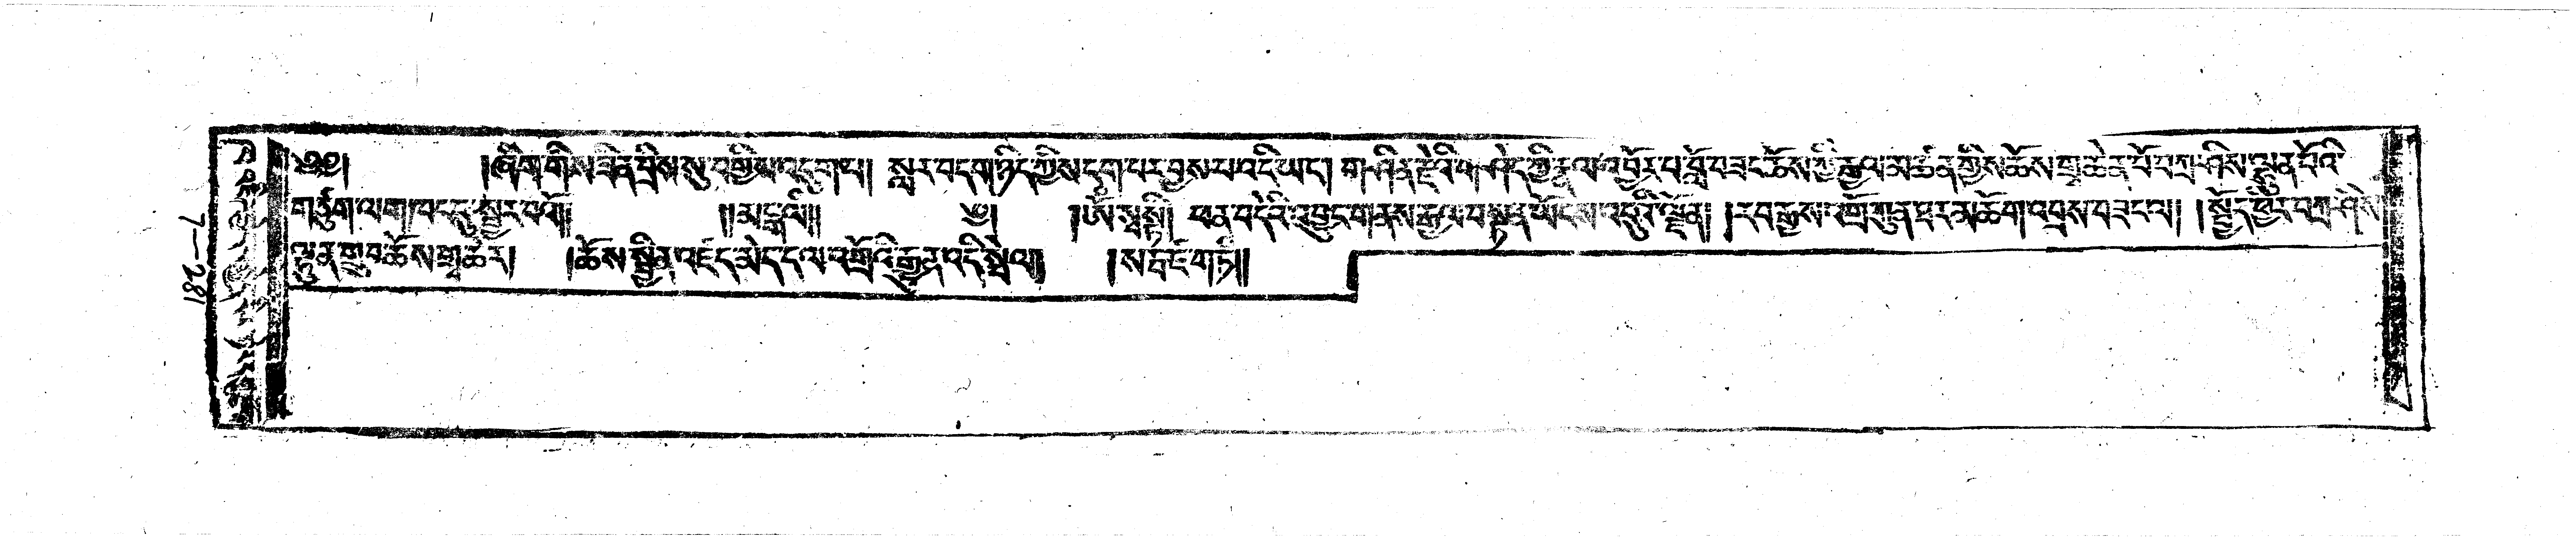༄༅། །ཞིག་གིས་ཟིན་བྲིས་སུ་བགྱིས་འདུག་པ། སླར་བདག་ཉིད་ཀྱིས་དག་པར་བྱས་པ་འདི་ཡང་། གཤིན་རྗེའི་གཤེད་ཀྱི་རྣལ་འབྱོར་པ་བློ་བཟང་ཆོས་ཀྱི་རྒྱལ་མཚན་གྱིས་ཆོས་གྲྭ་ཆེན་པོ་བཀྲ་ཤིས་ལྷུན་པོའི་
གཙུག་ལག་ཁང་དུ་སྦྱར་བའོ།། །།མངྒ་ལཾ།། ༄༅། །ཨོཾ་སྭསྟི། ཕན་བདེའི་འབྱུང་གནས་རྒྱལ་བསྟན་ཡོངས་འདུའི་ལྗོན། །རབ་རྒྱས་འགྲོ་ཀུན་ཐར་མཆོག་འབྲས་བཟང་ལ། །སྤྱོད་ཕྱིར་བཀྲ་ཤིས་
ལྷུན་གྲུབ་ཆོས་གྲྭ་ཆེར། །ཆོས་སྦྱིན་འཛད་མེད་དལ་འགྲོའི་རྒྱུན་འདི་སྤེལ། །སརྦ་ཛག་ཏཾ།།